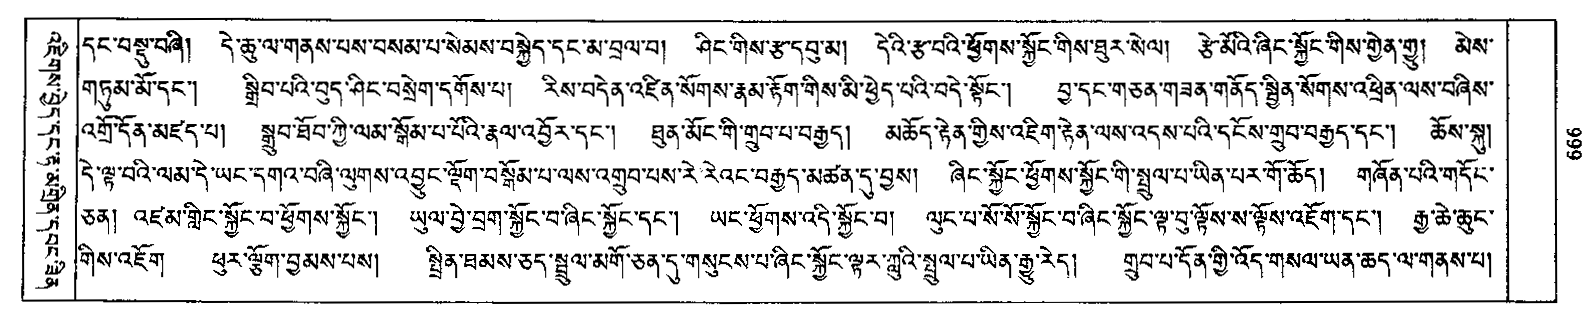དང་བསྡུ་བཞི། དེ་ཆུ་ལ་གནས་པས་བསམ་པ་སེམས་བསྐྱེད་དང་མ་བྲལ་བ། ཤིང་གིས་རྩ་དབུ་མ། དེའི་རྩ་བའི་ཕྱོགས་སྐྱོང་གིས་ཐུར་སེལ། རྩེ་མོའི་ཞིང་སྐྱོང་གིས་གྱེན་གྱུ། མེས་
གཏུམ་མོ་དང་། སྒྲིབ་པའི་བུད་ཤིང་བསྲེག་དགོས་པ། རིས་བདེན་འཛིན་སོགས་རྣམ་རྟོག་གིས་མི་ཕྱེད་པའི་བདེ་སྟོང་། བྱ་དང་གཅན་གཟན་གནོད་སྦྱིན་སོགས་འཕྲིན་ལས་བཞིས་
འགྲོ་དོན་མཛད་པ། སྒྲུབ་ཐོབ་ཀྱི་ལམ་སྒོམ་པ་པོའི་རྣལ་འབྱོར་དང་། ཐུན་མོང་གི་གྲུབ་པ་བརྒྱད། མཆོད་རྟེན་གྱིས་འཇིག་རྟེན་ལས་འདས་པའི་དངོས་གྲུབ་བརྒྱད་དང་། ཆོས་སྐུ།
དེ་ལྟ་བའི་ལམ་དེ་ཡང་དགའ་བཞི་ལུགས་འབྱུང་ལྡོག་བསྒོམ་པ་ལས་འགྲུབ་པས་རེ་རེའང་བརྒྱད་མཚན་དུ་བྱས། ཞིང་སྐྱོང་ཕྱོགས་སྐྱོང་གི་སྤྲུལ་པ་ཡིན་པར་གོ་ཆོད། གཞོན་པའི་གདོང་
ཅན། འཛམ་གླིང་སྐྱོང་བ་ཕྱོགས་སྐྱོང་། ཡུལ་བྱེ་བྲག་སྐྱོང་བ་ཞིང་སྐྱོང་དང་། ཡང་ཕྱོགས་འདི་སྐྱོང་བ། ལུང་པ་སོ་སོ་སྐྱོང་བ་ཞིང་སྐྱོང་ལྟ་བུ་ལྟོས་ས་ལྟོས་འཇོག་དང་། རྒྱ་ཆེ་ཆུང་
གིས་འཇོག་ཕུར་ལྕོག་བྱམས་པས། སྤྲིན་ཐམས་ཅད་སྤྲུལ་མགོ་ཅན་དུ་གསུངས་པ་ཞིང་སྐྱོང་ལྟར་ཀླུའི་སྤྲུལ་པ་ཡིན་རྒྱུ་རེད། གྲུབ་པ་དོན་གྱི་འོད་གསལ་ཡན་ཆད་ལ་གནས་པ།